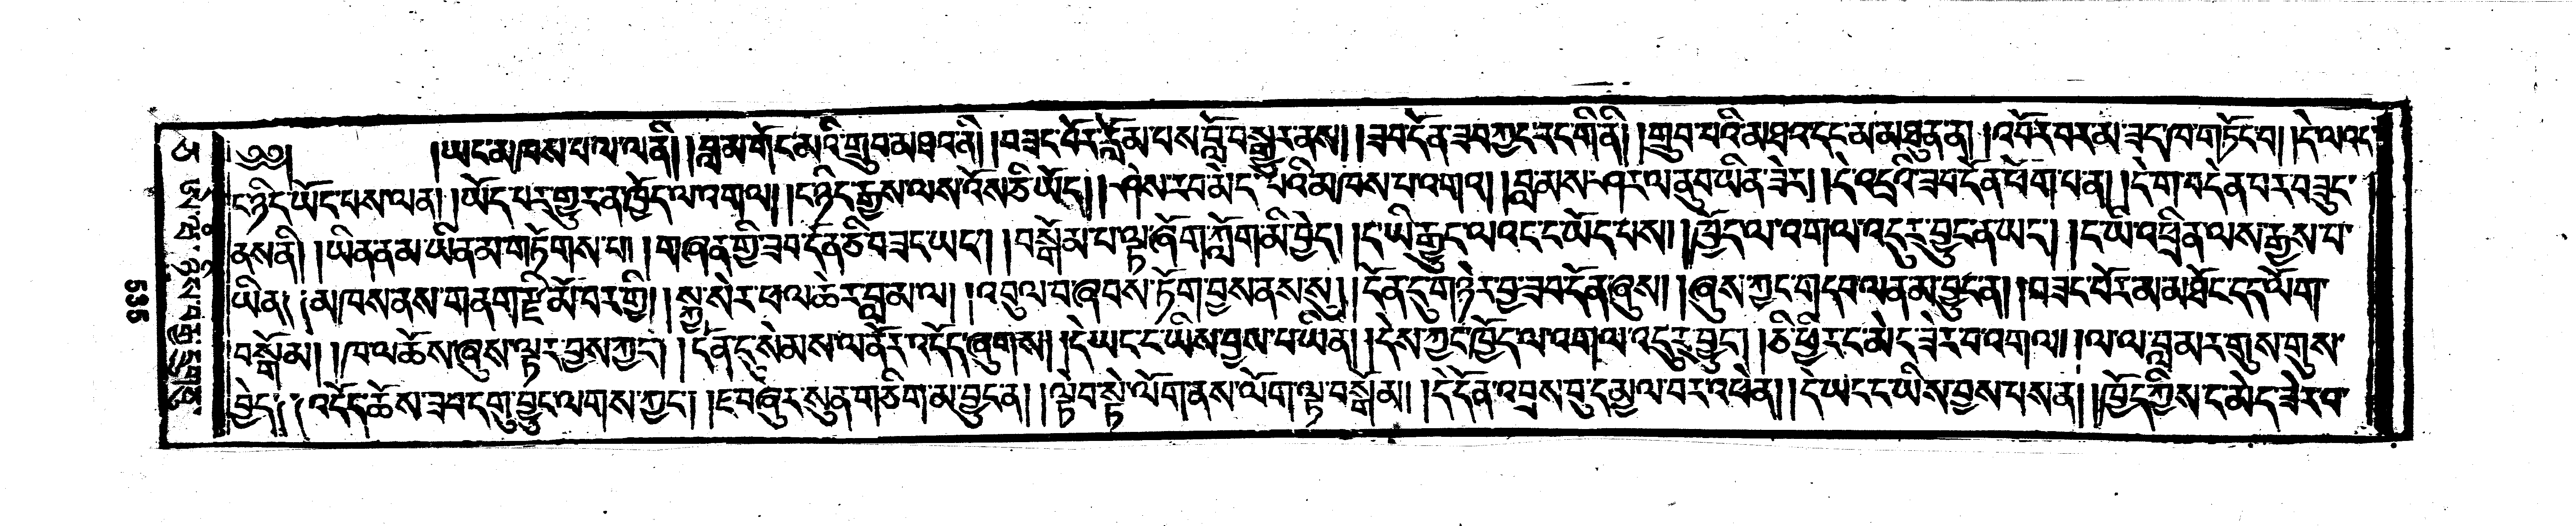༄༅། །ཡང་མཁས་པ་ལ་ལ་ནི། །བླ་མ་གོང་མའི་གྲུབ་མཐའ་ནི། །བཟང་པོར་རློམ་པས་བློ་བསྒྱུར་ནས། །ཟབ་དོན་ཟབ་ཀྱང་རང་གི་ནི། །གྲུབ་པའི་མཐའ་དང་མ་མཐུན་ན། །འབོར་བར་མ་ཟད་ཁ་གཏོང་བ། །དེ་ལའང་
ང་ཉིད་ཡོད་པས་ལན། །ཡོད་པར་གྱུར་ན་ཁྱོད་ལ་འགལ། །ང་ཉིད་རྒྱས་ལས་འོས་ཅི་ཡོད། །ཤེས་རབ་མེད་པའི་མཁས་པ་འགའ། །བླ་མས་ཤར་ལ་ནུབ་ཡིན་ཟེར། །དེ་འདྲའི་ཟབ་དོན་ཕོག་པ་ན། །དེ་ག་བདེན་པར་བཟུང་
ནས་ནི། །ཡིན་ན་མ་ཡིན་མ་གཏོགས་པ། །གཞན་གྱི་ཟབ་དོན་ཅི་བཟང་ཡང་། །བསྒོམ་པ་ལྟ་ཞོག་ཀློག་མི་བྱེད། །དེ་ཡི་རྒྱུད་ལའང་ཡོད་པས། །ཁྱོད་ལ་འགལ་འདུར་བྱུང་ན་ཡང་། །ང་ཡི་འཕྲིན་ལས་རྒྱས་པ་
ཡིན༑ ༑མཁས་ནས་གནག་རྫི་མོ་བར་གྱི། །སྐྱ་སེར་ཕ་ཆེར་བླ་མ་ལ། །འབུལ་བ་ཞབས་ཏོག་བྱས་ནས་སུ། །དོན་དུ་གཉེར་བྱ་ཟབ་དོན་ཞུས། །ཞུས་ཀྱང་གདབ་ལན་མ་བྱུང་ན། །བཟང་པོར་མ་མཐོང་དད་ལོག་
བསྒོམ། །ཁ་ལ་ཆོས་ཞུས་ལྟར་བྱས་ཀྱང་། །དོན་དུ་སེམས་ལ་ནོར་འདོད་ཞུགས། །དེ་ཡང་ང་ཡིས་བྱས་པ་ཡིན། །དེས་ཀྱང་ཁྱོད་ལ་འགལ་འདུར་བྱུང་། །ཅི་ཕྱིར་ང་མེད་ཟེར་བ་འགལ། །ལ་ལ་བླ་མ་གུས་གུས་
བྱེད༑ ༑འདོད་ཆོས་ཟབ་དགུ་བྱུང་ལགས་ཀྱང་། །ཇ་བཞུར་སུན་གཅིག་མ་བྱུང་ན། །ལྟེབ་སྟེ་ལོག་ནས་ལོག་ལྟ་བསྒོམ། །དེ་དོན་འབྲས་བུ་དམྱལ་བར་འཕེན། །དེ་ཡང་ང་ཡིས་བྱས་པས་ན། །ཁྱོད་ཀྱི་ང་མེད་ཟེར་བ་